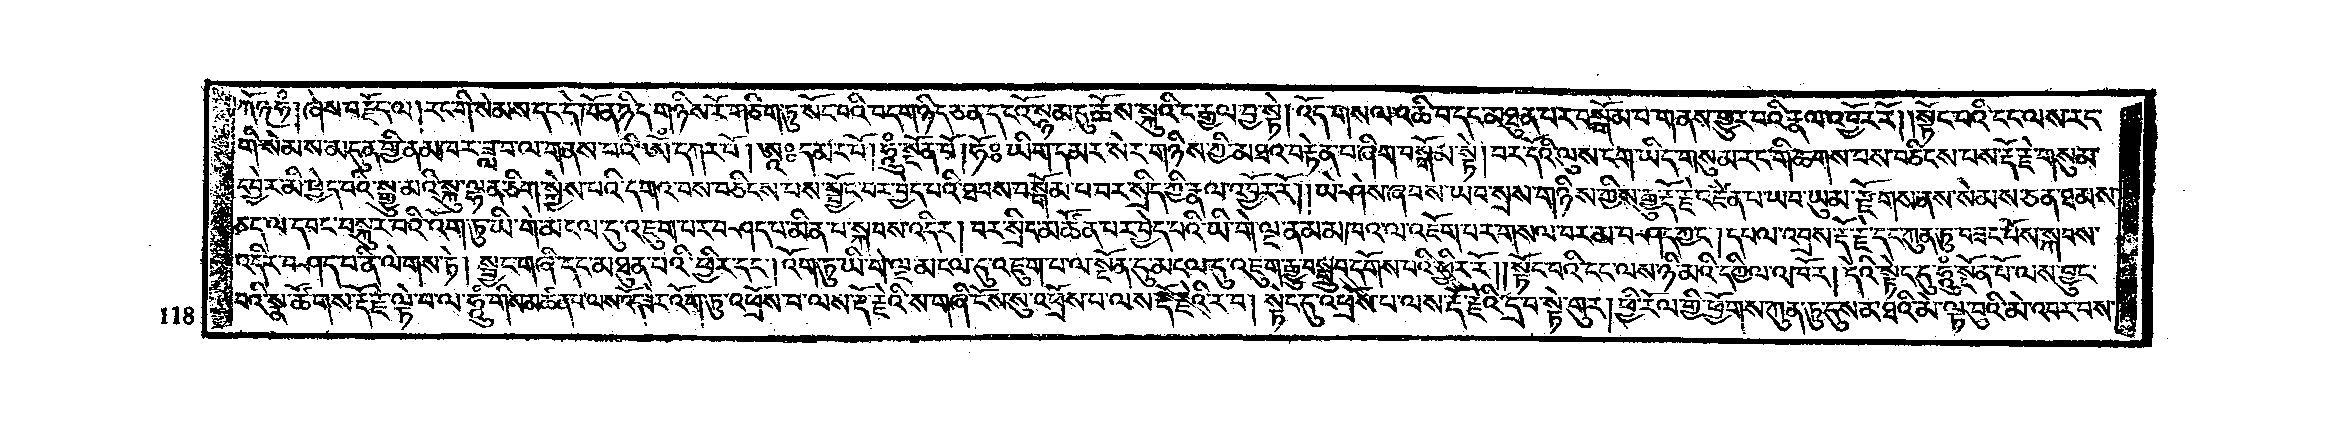ཀོཉ་ཧཾ། ཞེས་བརྗོད་ལ། རང་གི་སེམས་དང་དེ་ཁོ་ན་ཉིད་གཉིས་རོ་གཅིག་ཏུ་སོང་བའི་བདག་ཉིད་ཅན་དེ་ངའོ་སྙམ་དུ་ཆོས་སྐུའི་ང་རྒྱལ་བྱ་སྟེ། འོད་གསལ་འཆི་བ་དང་མཐུན་པར་བསྒོམ་པ་གནས་གྱུར་པའི་རྣལ་འབྱོར་རོ། །སྟོང་པའི་ངང་ལས་རང་
གི་སེམས་མདུན་གྱི་ནམ་མཁར་ཟླ་བ་ལ་གནས་པའི་ཨོཾ་དཀར་པོ། ཨཱཿ དམར་པོ། ཧཱུཾ་སྔོན་པོ། ཧོཿ ཡིག་དམར་སེར་གཉིས་ཀྱི་མཐའ་བརྟེན་པ་ཞིག་བསྒོམ་སྟེ། བར་དོའི་ལུས་ངག་ཡིད་གསུམ་རང་གི་ཆགས་པས་བཅིངས་པས་རྡོ་རྗེ་གསུམ་
དབྱེར་མི་ཕྱེད་པའི་སྒྱུ་མའི་སྐུ་ལྷན་ཅིག་སྐྱེས་པའི་དགའ་བས་བཅིངས་པས་སྦྱོང་བར་བྱེད་པའི་ཐབས་བསྒོམ་པ་བར་སྲིད་ཀྱི་རྣལ་འབྱོར་རོ། །ཡེ་ཤེས་ཞབས་ཡབ་སྲས་གཉིས་ཀྱིས་རྒྱུ་རྡོ་རྗེ་འཛིན་པ་ཡབ་ཡུམ་རྫོགས་ནས་སེམས་ཅན་ཐམས་
ཅད་ལ་དབང་བསྐུར་བའི་འོག་ཏུ་ཡི་གེ་མངལ་དུ་འཇུག་པར་བཤད་པ་མིན་པ་སྐབས་འདིར། བར་སྲིད་མཚོན་པར་བྱེད་པའི་ཡི་གེ་ལྔ་ནམ་མཁའ་ལ་འཇོག་པར་གསལ་བར་མ་བཤད་ཀྱང་། དཔལ་འབྲས་རྡོ་རྗེ་དང་ཀུན་ཏུ་བཟང་པོས་སྐབས་
འདིར་བཤད་པ་ནི་ལེགས་ཏེ། སྦྱང་གཞི་དང་མཐུན་པའི་ཕྱིར་དང་། འོག་ཏུ་ཡི་གེ་ལྔ་མངལ་དུ་འཇུག་པ་ལ་སྔོན་དུ་མངལ་དུ་འཇུག་རྒྱུ་བསྒྲུབ་དགོས་པའི་ཕྱིར་རོ། །སྟོང་པའི་ངང་ལས་ཉི་མའི་དཀྱིལ་འཁོར། དེའི་སྟེང་དུ་ཧཱུཾ་སྔོན་པོ་ལས་བྱུང་
བའི་སྣ་ཚོགས་རྡོ་རྗེ་ལྟེ་བ་ལ་ཧཱུཾ་གིས་མཚན་པ་ལ་འོད་ཟེར་འོག་ཏུ་འཕྲོས་པ་ལས་རྡོ་རྗེའི་ས་གཞི་ངོས་སུ་འཕྲོས་པ་ལས་རྡོ་རྗེའི་ར་བ། སྟེང་དུ་འཕྲོས་པ་ལས་རྡོ་རྗེའི་དྲ་བ་སྟེ་གུར། ཕྱི་རོལ་གྱི་ཕྱོགས་ཀུན་ཏུ་དུས་མཐའི་མེ་ལྟ་བུའི་མེ་འབར་བས་